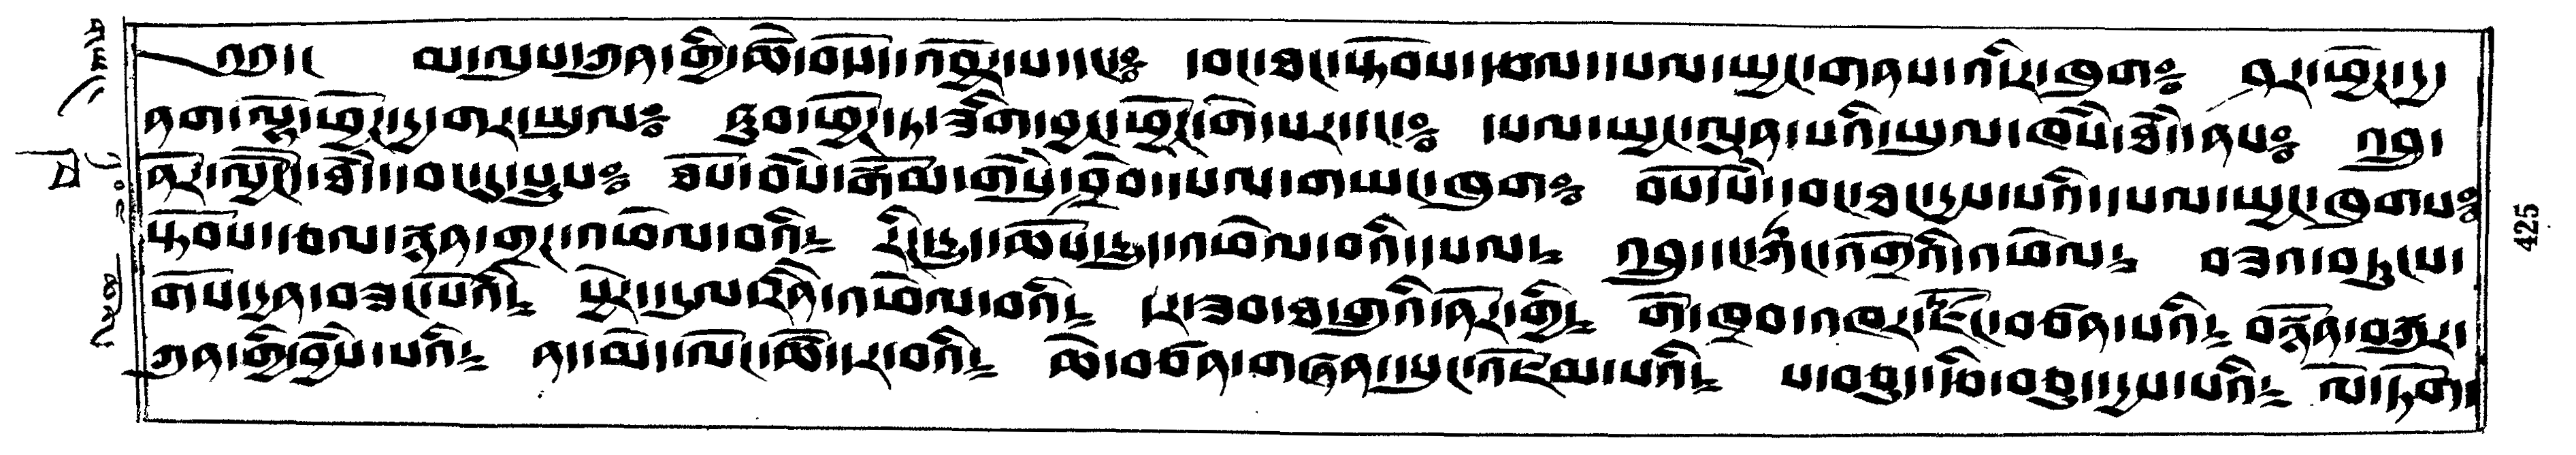མ་ལུས་ཀུན་ཀྱི་ཚེ་བསོད་འབྱོར་པ་དང༔ དབང་ཐང་སྟོབས་རྩལ་དཔལ་གཡང་གནས་འདིར་ཁུག༔ ཤར་ཕྱོགས་རྒྱ་
ནག་ལྷོ་ཕྱོགས་རྒྱ་གར་ཡུལ༔ ནུབ་ཕྱོགས་ཏ་ཟིག་བྱང་ཕྱོགས་གེ་སར་དང༔ དཔལ་གཡང་ལྡན་པའི་ཡུལ་ཁམས་ཐམས་ཅད་ནས༔འབྲུ་
ནོར་ལོངས་སྤྱོད་ཐམས་ཅད་དབང་དུ་སྡུས༔ ཐོས་བསམ་སྒོམ་གསུམ་ཤེས་རབ་དཔལ་གཡང་ཁུག༔ བསོད་ནམས་དབང་ཐང་རྒྱས་པའི་དཔལ་གཡང་ཁུག༔ 
སྟོབས་རྩལ་སྙན་གྲགས་འཕེལ་བའི༴ རིགས་རྒྱུད་ཆོས་རྒྱུད་འཕེལ་བའི་དཔལ༴ འབྲུ་དང་རྐང་འགྲོ་འཕེལ༴ བཟའ་བཏུང་
གོས་རྒྱན་བཟང་པོའི༴ གསེར་དངུལ་རིན་ཆེན་འཕེལ་བའི༴ དར་ཟབ་མཐའ་གྲུའི་ནོར་གྱི༴ གོ་ཁྲབ་འཁར་རྫོང་བཙན་པའི༴ བསྙེན་བསྐུར་
ཀུན་གྱིས་བྱམས་པའི༴ ནད་མེད་ལང་ཚོ་དར་བའི༴ ཆེ་བཙན་གཞན་དཔུང་འཇོམས་པའི༴ ས་བཅུད་རྩི་བཅུད་རྒྱས་པའི༴ ལོ་ཏོག་